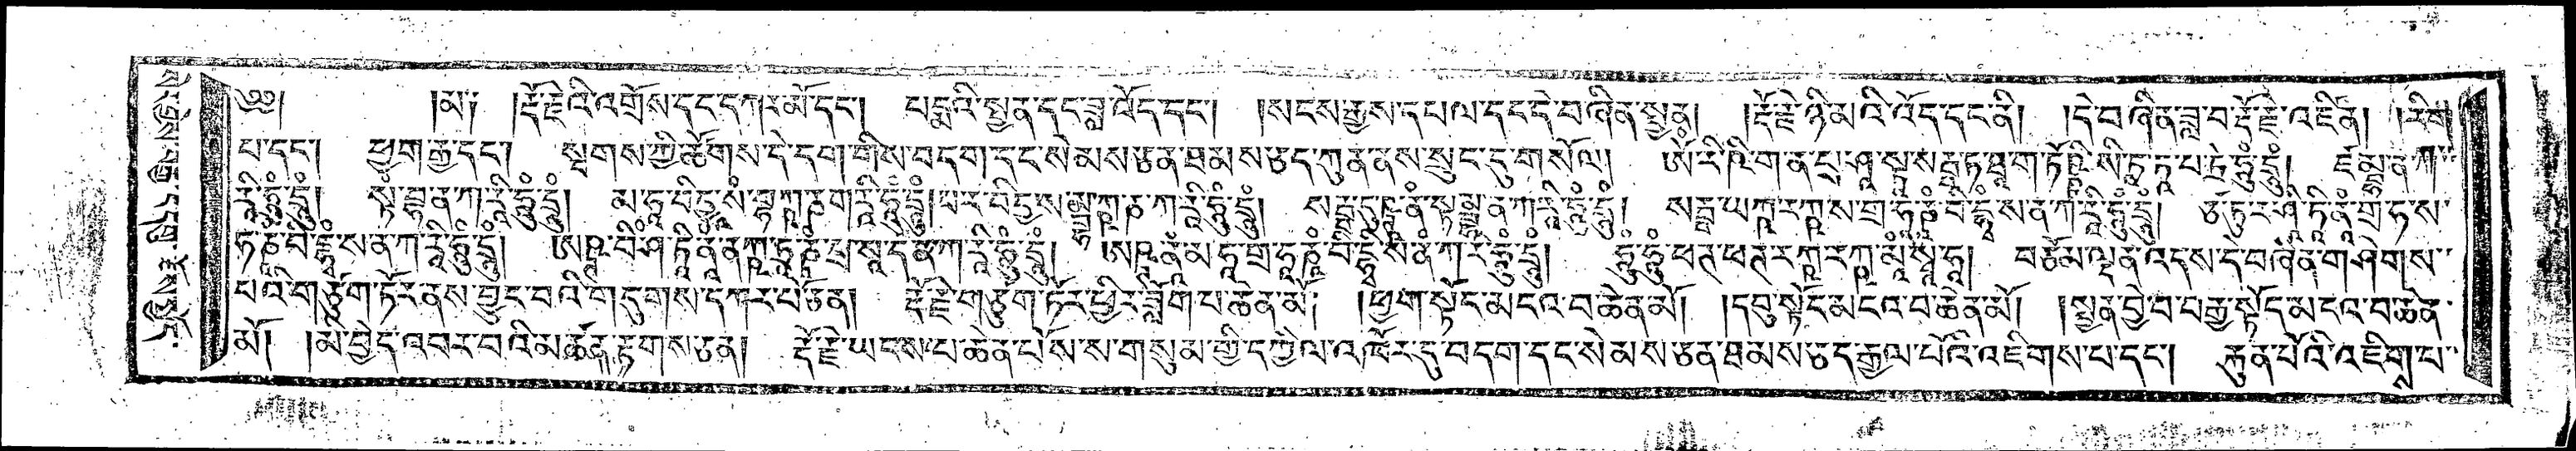༄༅། །མ། །རྡོ་རྗེའི་འགྲོས་དང་དཀར་མོ་དང་། པདམའི་སྤྱན་དང་ཟླ་འོད་དང་། །སངས་རྒྱས་དཔལ་དང་དེ་བཞིན་སྤྱན། །རྡོ་རྗེ་ཉི་མའི་འོད་དང་ནི། །དེ་བཞིན་ཟླ་བ་རྡོ་རྗེ་འཛིན། །རིག་
པ་དང་། ཕྱག་རྒྱ་དང་། སྔགས་ཀྱི་ཚོགས་དེ་དག་གིས་བདག་དང་སེམས་ཅན་ཐམས་ཅད་ཀུན་ནས་སྲུང་དུ་གསོལ། ཨོཾ་རི་ཥི་ག་ན་པྲ་ཤཱ་སྟཱ་སརྦྦ་ཏ་ཐཱ་ག་ཏོཥྞི་སི་ཏཱུ་ཏཱ་པ་ཏྲེ་ཧཱུཾ་དྲཱུཾ། ཛམྦྷ་ན་ཀ་
རཱི་ཧཱུཾ་དྲཱུཾ། སྟཾ་བྷ་ན་ཀ་རཱི་ཧཱུཾ་དྲཱུཾ། མ་ཧཱ་བིདྱཱ་སཾ་བྷ་ཀྵ་ཎ་ག་རཱི་ཧཱུཾ་དྲཱུཾ། པ་ར་བིདྱ་སམྦྷ་ཀྵ་ཎ་ཀ་རཱི་ཧཱུཾ་དྲཱུཾ། སརྦྦ་དུ་ཥྚཱ་ནཾ་སྟམྦྷ་ན་ཀ་རཱི་ཧཱུཾ་དྲཱུཾ། སརྦྦ་ཡཀྵ་རཀྵ་ས་གྲ་ཧཱ་ཎཱཾ་བི་དྷྭཾ་ས་ན་ཀ་རཱི་ཧཱུཾ་དྲཱུཾ། ཙ་ཏུ་ར་ཤཱི་ཏཱི་ནཱཾ་གྲ་ཧ་ས་
ཧ་ཎཱཾ་བི་དྷྭཾ་ས་ན་ཀ་རཱི་ཧཱུཾ་དྲཱུཾ། ཨཥྚ་བི་ཤཾ་ཏཱི་ནཱཾ་ནཀྵ་ཏྲཱ་ཎཱཾ་པྲ་སཱ་ད་ན་ཀ་རཱི་ཧཱུཾ་དྲཱུཾ། ཨཥྚ་ནཱཾ་མ་ཧཱ་གྲ་ཧཱ་ཎཱཾ་བི་དྷྭི་ས་ནཾ་ཀ་རི་ཧཱུཾ་དྲཱུཾ། ཧཱུཾ་ཧཱུཾ་ཕཊ་ཕཊ་རཀྵ་རཀྵ་མཱཾ་སྭཱ་ཧཱ། བཅོམ་ལྡན་འདས་དེ་བཞིན་གཤེགས་
པའི་གཙུག་ཏོར་ནས་བྱུང་བའི་གདུགས་དཀར་པོ་ཅན། རྡོ་རྗེ་གཙུག་ཏོར་ཕྱིར་ཟློག་པ་ཆེན་མོ། །ཕྱག་སྟོང་མངའ་བ་ཆེན་མོ། །དབུ་སྟོང་མངའ་བ་ཆེན་མོ། །སྤྱན་བྱེ་བ་བརྒྱ་སྟོད་མངའ་བ་ཆེན་
མོ། །མི་བྱེད་འབར་བའི་མཚན་རྟགས་ཅན། རྡོ་རྗེ་ཡངས་པ་ཆེན་པོས་ས་གསུམ་གྱི་དཀྱིལ་འཁོར་དུ་བདག་དང་སེམས་ཅན་ཐམས་ཅད་རྒྱལ་པོའི་འཇིགས་པ་དང་། རྐུན་པོའི་འཇིགས་པ་